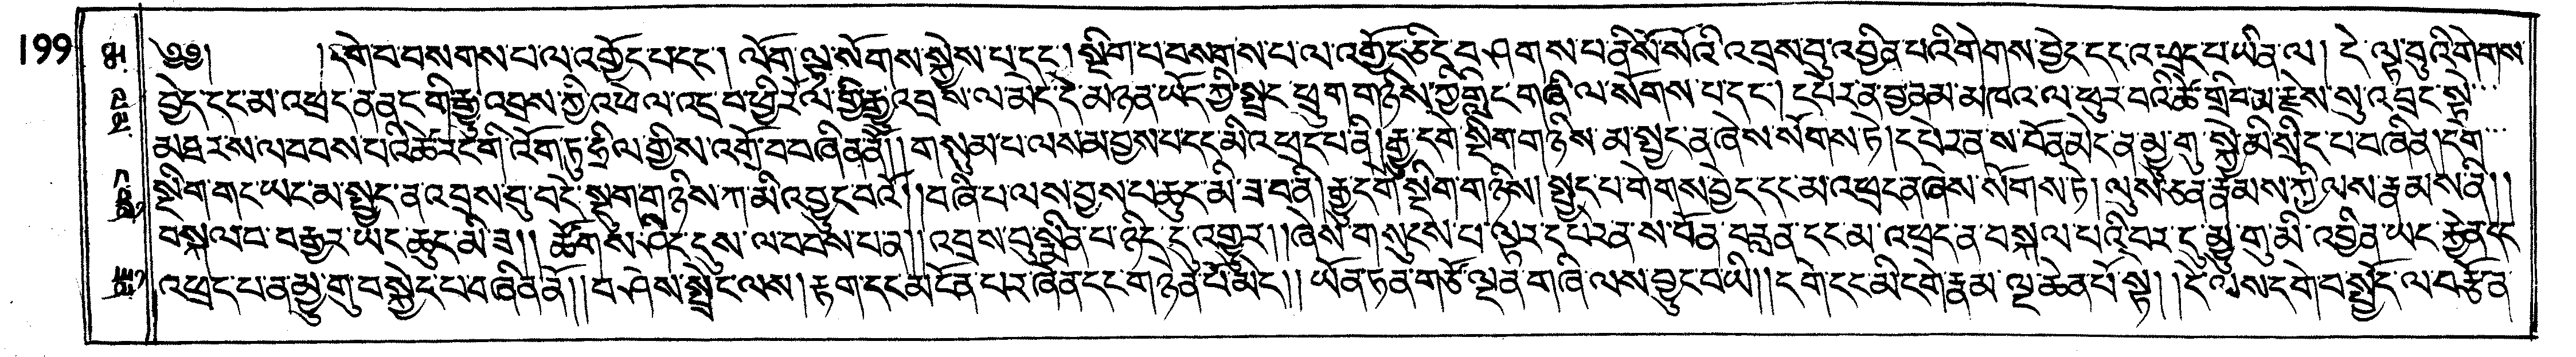༄༅། །དགེ་བ་བསགས་པ་ལ་འགྱོད་པ་དང་། ལོག་ལྟ་སོགས་སྐྱེས་པ་དང་། སྡིག་པ་བསགས་པ་ལ་འགྱོད་ཅིང་བཤགས་པ་ནི་སོ་སོའི་འབྲས་བུ་འབྱིན་པའི་གེགས་བྱེད་དང་འཕྲད་པ་ཡིན་ལ། དེ་ལྟ་བུའི་གེགས་
བྱེད་དང་མ་འཕྲད་ན་ནང་གི་རྒྱུ་འབྲས་ཀྱི་འཕེལ་འདྲ་བ་ཕྱི་རོལ་གྱི་རྒྱུ་འབྲས་ལ་མེད་དེ་མཉན་ཡོད་ཀྱི་སྤྲང་ཕྲུག་གཉིས་ཀྱི་གླིང་གཞི་ལ་སོགས་པ་དང་། དཔེར་ན་བྱ་ནམ་མཁའ་ལ་ཕུར་བའི་ཚེ་གྲིབ་མ་རྗེས་སུ་འབྲང་སྟེ་
མཐར་ས་ལ་བབས་པའི་ཚེ་རང་གི་འོག་ཏུ་ཧྲིལ་གྱིས་འགྲོ་བ་བཞིན་ནོ། །གསུམ་པ་ལས་མ་བྱས་པ་དང་མི་འཕྲད་པ་ནི། རྒྱུ་དགེ་སྡིག་གཉིས་མ་སྤྱད་ན་ཞེས་སོགས་ཏེ། དཔེར་ན་ས་བོན་མེད་ན་མྱུ་གུ་སྐྱེ་མི་སྲིད་པ་བཞིན། དགེ་
སྡིག་གང་ཡང་མ་སྤྱད་ན་འབྲས་བུ་བདེ་སྡུག་གཉིས་ཀ་མི་འབྱུང་བའོ། །བཞི་པ་ལས་བྱས་པ་ཆུད་མི་ཟ་བ་ནི། རྒྱུ་དགེ་སྡིག་གཉིས། སྤྱད་པ་གེགས་བྱེད་དང་མ་འཕྲད་ན་ཞེས་སོགས་ཏེ། ལུས་ཅན་རྣམས་ཀྱི་ལས་རྣམས་ནི། །
བསྐལ་བ་བརྒྱར་ཡང་ཆུད་མི་ཟ། །ཚོགས་ཤིང་དུས་ལ་བབས་པ་ན། །འབྲས་བུ་སྨིན་པ་ཉིད་དུ་འགྱུར། །ཞེས་གསུངས་པ་ལྟར་དཔེར་ན་ས་བོན་བརླན་དང་མ་འཕྲད་ན་བསྐལ་པའི་བར་དུ་མྱུ་གུ་མི་འབྱིན་ཡང་རྐྱེན་དང་
འཕྲད་པ་ན་མྱུ་གུ་བསྐྱེད་པ་བཞིན་ནོ། །བཤེས་སྤྲེང་ལས། རྟག་དང་མངོན་པར་ཞེན་དང་གཉེན་པོ་མེད། །ཡོན་ཏན་གཙོ་ལྡན་གཞི་ལས་བྱུང་བ་ཡི། །དགེ་དང་མི་དགེ་རྣམ་ལྔ་ཆེན་པོ་སྟེ། །དེ་ལས་དགེ་བ་སྤྱོད་ལ་བརྩོན་